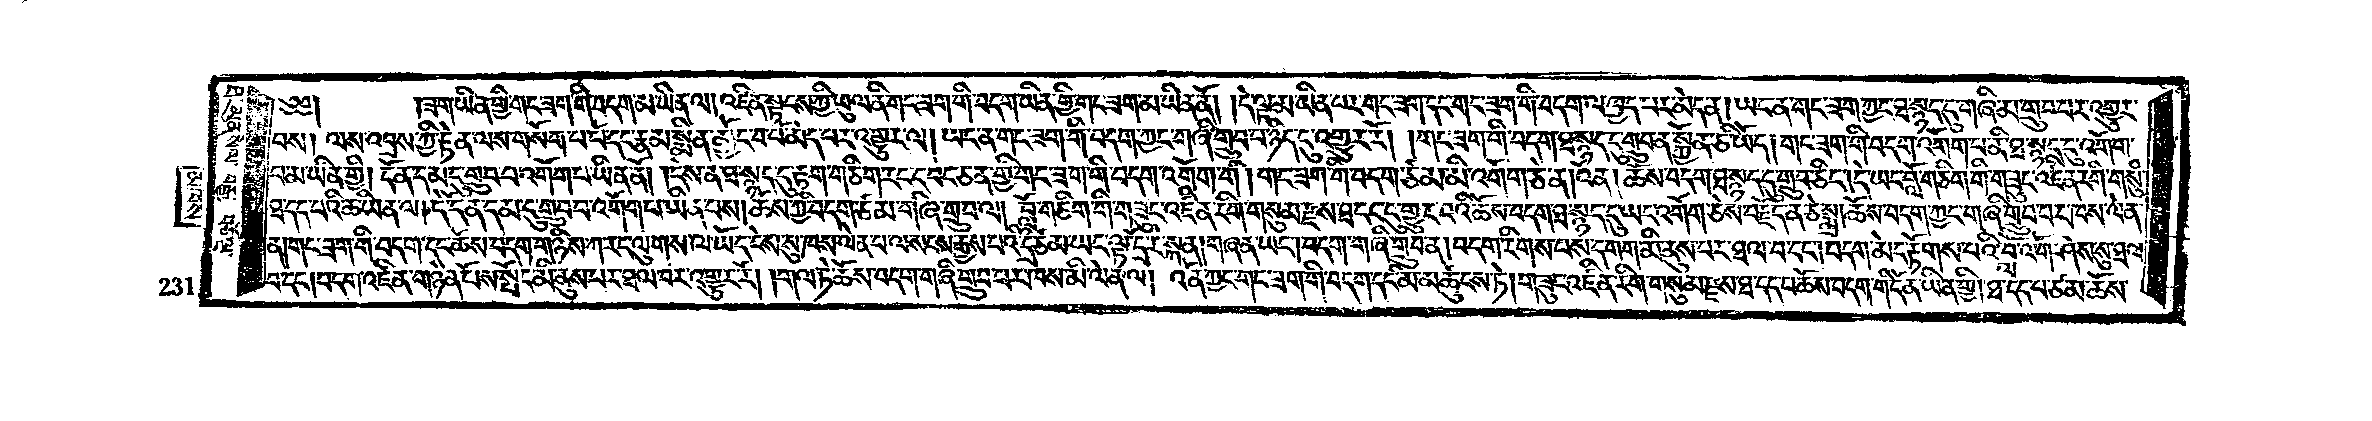༄༅། །ཟག་ཡིན་གྱི་གང་ཟག་གི་བདག་མ་ཡིན་ལ། འཛིན་སྟངས་ཀྱི་ཡུལ་ནི་གང་ཟག་གི་བདག་ཡིན་གྱི་གང་ཟག་མ་ཡིན་ནོ། །དེ་ལྟ་མ་ཡིན་པར་གང་ཟག་དང་གང་ཟག་གི་བདག་ལ་ཁྱད་པར་མེད་ན། ཡང་ན་གང་ཟག་ཀྱང་ཐ་སྙད་དུ་གཞི་མ་གྲུབ་པར་འགྱུར་
བས། ལས་འབྲས་ཀྱི་རྟེན་ལས་གསོག་པ་པོ་དང་རྣམ་སྨིན་མྱོང་བ་པོ་མེད་པར་འགྱུར་ལ། ཡང་ན་གང་ཟག་གི་བདག་ཀྱང་གཞི་གྲུབ་པ་ཉིད་དུ་འགྱུར་རོ། །གང་ཟག་གི་བདག་ཐ་སྙད་དུ་གྲུབ་ན་སྐྱོན་ཅི་ཡོད། གང་ཟག་གི་བདག་འགོག་པ་ནི་ཐ་སྙད་དུ་འགོག་
པ་མ་ཡིན་གྱི། དོན་དམ་དུ་གྲུབ་པ་འགོག་པ་ཡིན་ནོ། །དེས་ན་ཐ་སྙད་དུ་རྟག་གཅིག་རང་དབང་ཅན་གྱི་གང་ཟག་གི་བདག་འགོག་གི །གང་ཟག་གི་བདག་ཙམ་མི་འགོག་ཅེ་ན། འོན། ཆོས་བདག་ཐ་སྙད་དུ་གྲུབ་ཅིང་། དེ་ཡང་བློ་གཅིག་གི་གཟུང་འཛིན་རིག་གསུམ་
ཐ་དད་པའི་ཆ་ཡིན་ལ། དེ་དོན་དམ་དུ་གྲུབ་པ་འགོག་པ་ཡིན་པས། ཆོས་ཀྱི་བདག་ཙམ་གཞི་གྲུབ་ལ། བློ་གཅིག་གི་གཟུང་འཛིན་རིག་གསུམ་རྫས་ཐ་དད་དུ་གྱུར་བའི་ཆོས་བདག་ཐ་སྙད་དུ་ཡང་འགོག་ཅེས་བརྗོད་ན་ཅེ་སྨྲ། ཆོས་བདག་ཀྱང་གཞི་གྲུབ་པར་ཁས་ལེན་
ན། གང་ཟག་གི་བདག་དང་ཆོས་བདག་གཉིས་ཀ་རང་ལུགས་?་ཡོད་ངེས་སུ་ཁས་ལེན་པ་ལ་སངས་རྒྱས་པའི་དྲི་ཙམ་ཡང་ལྟ་དྲོ་རེ་སྐན། གཞན་ཡང་། བདག་གཞི་གྲུབ་ན། བདག་རིགས་པས་དགག་མི་ནུས་པར་ཐལ་བ་དང་། བདག་མེད་རྟོགས་པའི་བློ་ལོག་ཤེས་སུ་ཐལ་
བ་དང་། བདག་འཛིན་གཉེན་པོས་སྤོང་མི་ནུས་པར་ཐལ་བར་འགྱུར་རོ། །གལ་ཏེ་ཆོས་བདག་གཞི་གྲུབ་པར་ཁས་མི་ལེན་ལ། འོན་ཀྱང་གན་ག་ཟག་གི་བདག་དང་མི་མཚུངས་ཏེ། གཟུང་འཛིན་རིག་གསུམ་རྫས་ཐ་དད་པ་ཆོས་བདག་གི་དོན་ཡིན་གྱི། ཐ་དད་པ་ཅམ་ཆོས་